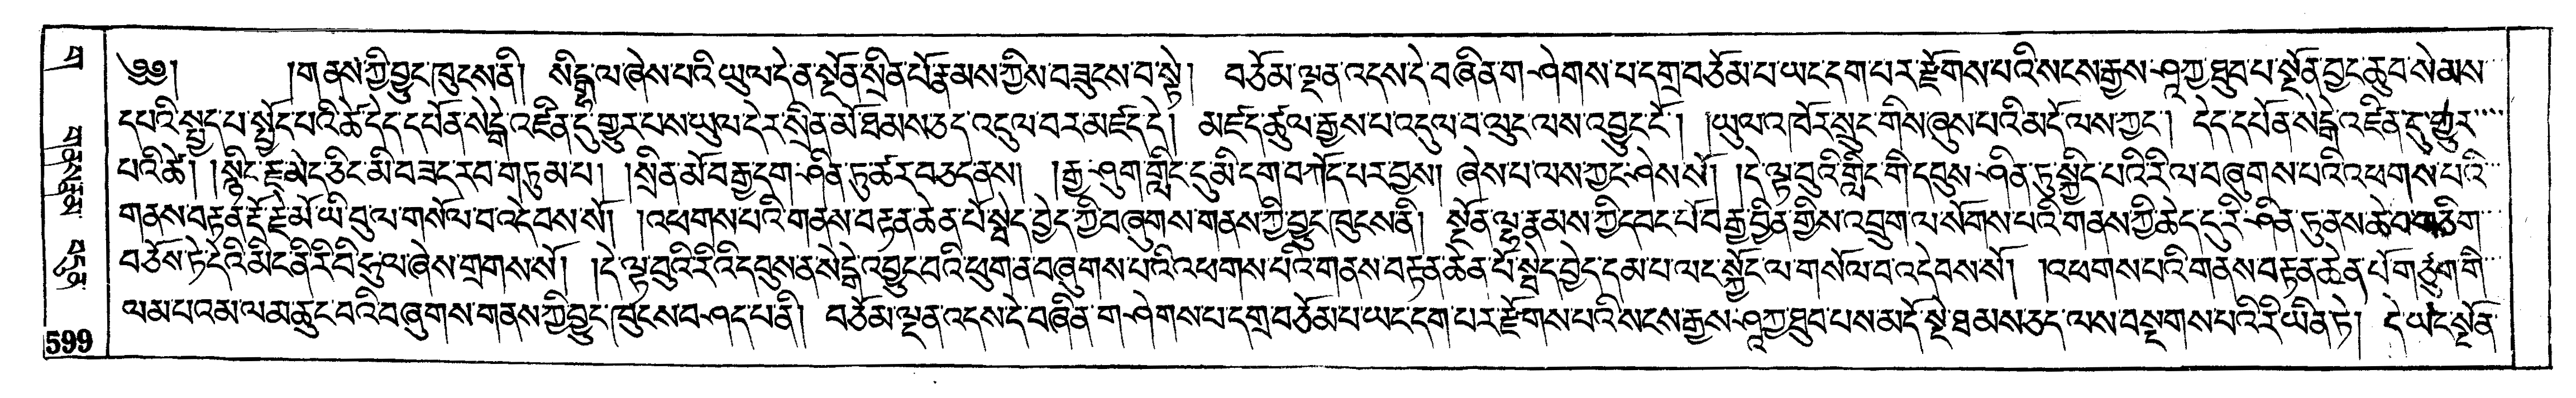༄༅། །གནས་ཀྱི་བྱུང་ཁུངས་ནི། སིངྒྷ་ལ་ཞེས་པའི་ཡུལ་དེ་ན་སྔོན་སྲིན་པོ་རྣམས་ཀྱིས་བཟུངས་པ་སྟེ། བཅོམ་ལྡན་འདས་དེ་བཞིན་གཤེགས་པ་དགྲ་བཅོམ་པ་ཡང་དག་པར་རྫོགས་པའི་སངས་རྒྱས་ཤཱཀྱ་ཐུབ་པ་སྔོན་བྱང་ཆུབ་སེམས་
དཔའི་སྤྱད་པ་སྤྱོད་པའི་ཚེ་དེད་དཔོན་སེངྒེ་འཛིན་དུ་གྱུར་པས་ཡུལ་དེར་སྲིན་མོ་ཐམས་ཅད་འདུལ་བར་མཛད་དེ། མཛད་ཚུལ་རྒྱས་པ་འདུལ་བ་ལུང་ལས་འབྱུང་ངོ། །ཡུལ་འཁོར་སྲུང་གིས་ཞུས་པའི་མདོ་ལས་ཀྱང་། དེད་དཔོན་སེངྒེ་འཛིན་དུ་གྱུར་
པའི་ཚེ། །སྙིང་རྗེ་མེད་ཅིང་མི་བཟད་རབ་གཏུམ་པ། །སྲིན་མོ་བརྒྱ་དག་ཤིན་ཏུ་ཚར་བཅད་ནས། །རྒྱ་ཤུག་གླིང་དུ་མི་དག་བཀོད་པར་བྱས། ཞེས་པ་ལས་ཀྱང་ཤེས་སོ། །དེ་ལྟ་བུའི་གླིང་གི་དབུས་ཤིན་ཏུ་སྐྱིད་པའི་རི་ལ་བཞུགས་པའི་འཕགས་པའི་
གནས་བརྟན་རྡོ་རྗེ་མོ་ཡི་བུ་ལ་གསོལ་བ་འདེབས་སོ། །འཕགས་པའི་གནས་བརྟན་ཆེན་པོ་སྦེད་བྱེད་ཀྱི་བཞུགས་གནས་ཀྱི་བྱུང་ཁུངས་ནི། སྔོན་ལྷ་རྣམས་ཀྱི་དབང་པོ་བརྒྱ་བྱིན་གྱིས་འབྲུག་ལ་སོགས་པའི་གནས་ཀྱི་ཆེད་དུ་རི་ཤིན་ཏུ་ནས་ཆེ་བ་གཅིག་
བཅོས་ཏེ་དེའི་མིང་ནི་རི་བི་ཧུ་ལ་ཞེས་གྲགས་སོ། །དེ་ལྟ་བུའི་རིའི་དབུས་ན་སེངྒེ་འབྱུང་བའི་ཕུག་ན་བཞུགས་པའི་འཕགས་པའི་གནས་བརྟན་ཆེན་པོ་སྦེད་བྱེད་དམ་པ་ལང་སྐྱོང་ལ་གསོལ་བ་འདེབས་སོ། །འཕགས་པའི་གནས་བརྟན་ཆེན་པོ་གཙུག་གི་
ལམ་པའམ་ལམ་ཆུང་བའི་བཞུགས་གནས་ཀྱི་བྱུང་ཁུངས་བཤད་པ་ནི། བཅོམ་ལྡན་འདས་དེ་བཞིན་གཤེགས་པ་དགྲ་བཅོམ་པ་ཡང་དག་པར་རྫོགས་པའི་སངས་རྒྱས་ཤཱཀྱ་ཐུབ་བས་མདོ་སྡེ་ཐམས་ཅད་ལས་བསྔགས་པའི་རི་ཡིན་ཏེ། དེ་ཡང་སྔོན་